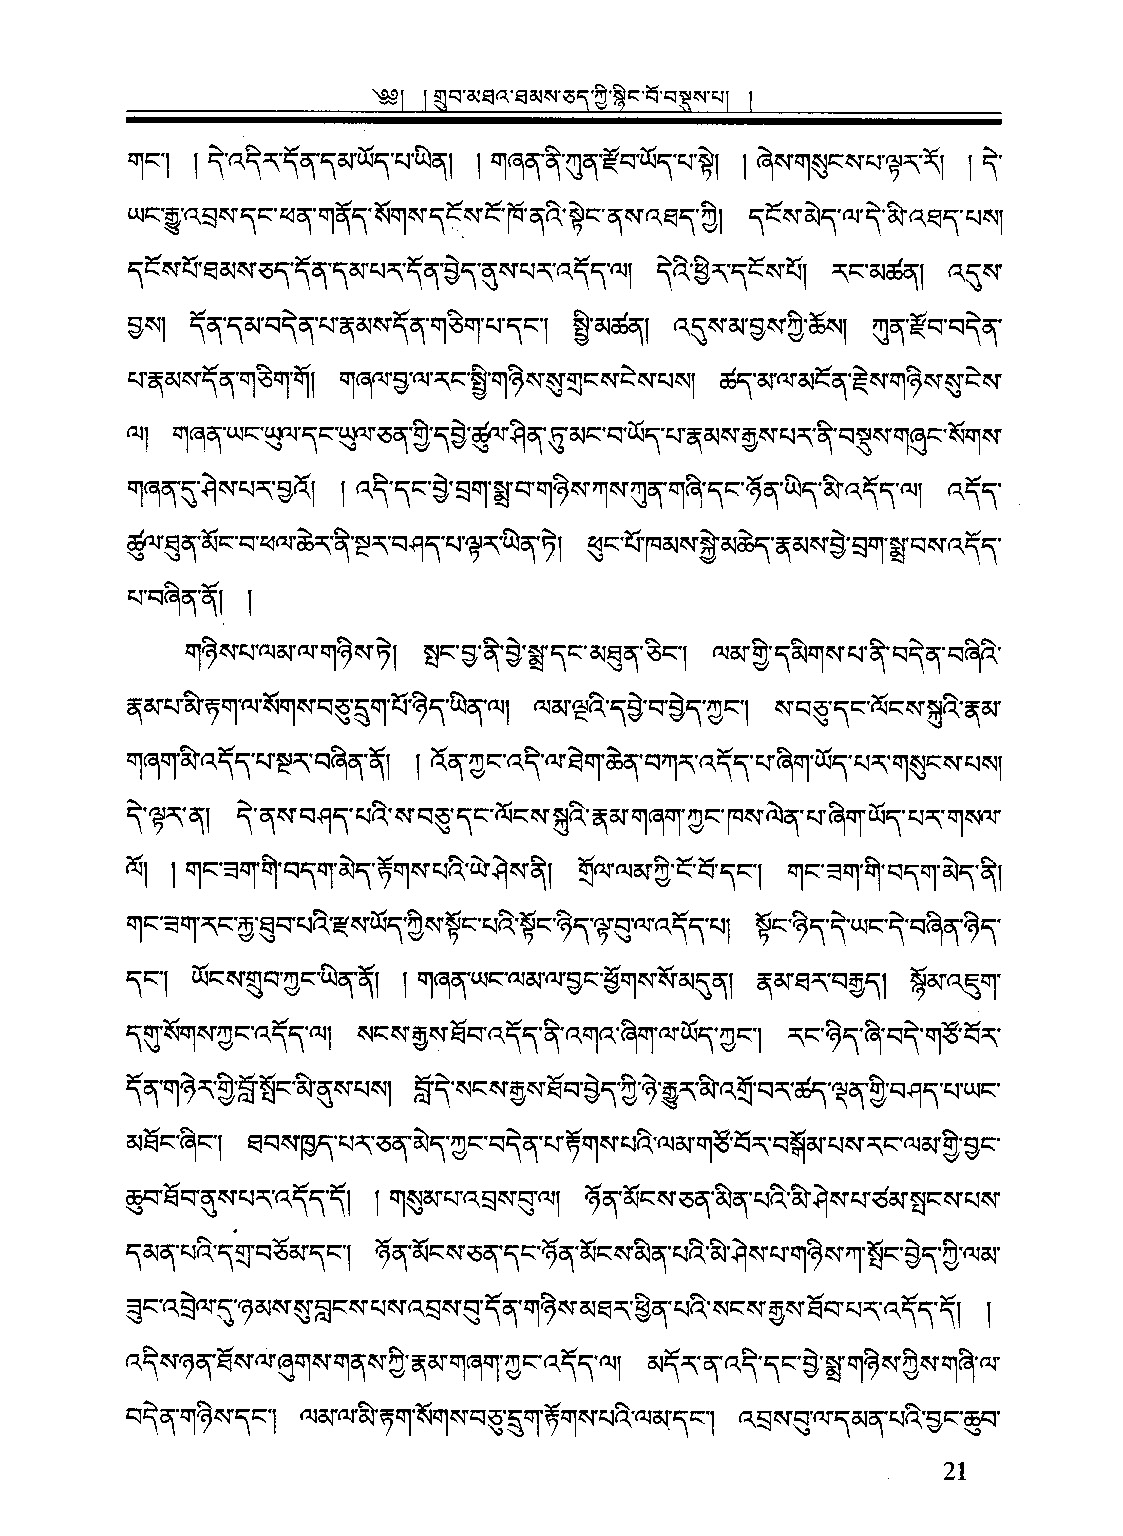གང་། །དེ་འདིར་དོན་དམ་ཡོད་པ་ཡིན། །གཞན་ནི་ཀུན་རྫོབ་ཡོད་པ་སྟེ། །ཞེས་གསུངས་པ་ལྟར་རོ། །དེ་
ཡང་རྒྱུ་འབྲས་དང་ཕན་གནོད་སོགས་དངོས་ངོ་ཁོ་ནའི་སྟེང་ནས་འཐད་ཀྱི། དངོས་མེད་ལ་དེ་མི་འཐད་པས།
དངོས་པོ་ཐམས་ཅད་དོན་དམ་པར་དོན་བྱེད་ནུས་པར་འདོད་ལ། དེའི་ཕྱིར་དངོས་པོ། རང་མཚན། འདུས་
བྱས། དོན་དམ་བདེན་པ་རྣམས་དོན་གཅིག་པ་དང་། སྤྱི་མཚན། འདུས་མ་བྱས་ཀྱི་ཆོས། ཀུན་རྫོབ་བདེན་
པ་རྣམས་དོན་གཅིག་གོ། གཞལ་བྱ་ལ་རང་སྤྱི་གཉིས་སུ་གྲངས་ངེས་པས། ཚད་མ་ལ་མངོན་རྗེས་གཉིས་སུ་ངེས་
ལ། གཞན་ཡང་ཡུལ་དང་ཡུལ་ཅན་གྱི་དབྱེ་ཚུལ་ཤིན་ཏུ་མང་བ་ཡོད་པ་རྣམས་རྒྱས་པར་ནི་བསྡུས་གཞུང་སོགས་
གཞན་དུ་ཤེས་པར་བྱའོ། །འདི་དང་བྱེ་བྲག་སྨྲ་བ་གཉིས་ཀས་ཀུན་གཞི་དང་ཉོན་ཡིད་མི་འདོད་ལ། འདོད་
ཚུལ་ཐུན་མོང་བ་ཕལ་ཆེར་ནི་སྔར་བཤད་པ་ལྟར་ཡིན་ཏེ། ཕུང་པོ་ཁམས་སྐྱེ་མཆེད་རྣམས་བྱེ་བྲག་སྨྲ་བས་འདོད་
པ་བཞིན་ནོ། །
གཉིས་པ་ལམ་ལ་གཉིས་ཏེ། སྤང་བྱ་ནི་བྱེ་སྨྲ་དང་མཐུན་ཅིང་། ལམ་གྱི་དམིགས་པ་ནི་བདེན་བཞིའི་
རྣམ་པ་མི་རྟག་ལ་སོགས་བཅུ་དྲུག་པོ་ཉིད་ཡིན་ལ། ལམ་ལྔའི་དབྱེ་བ་བྱེད་ཀྱང་། ས་བཅུ་དང་ལོངས་སྐུའི་རྣམ་
གཞག་མི་འདོད་པ་སྔར་བཞིན་ནོ། །འོན་ཀྱང་འདི་ལ་ཐེག་ཆེན་བཀར་འདོད་པ་ཞིག་ཡོད་པར་གསུངས་པས།
དེ་ལྟར་ན། དེ་ནས་བཤད་པའི་ས་བཅུ་དང་ལོངས་སྐུའི་རྣམ་གཞག་ཀྱང་ཁས་ལེན་པ་ཞིག་ཡོད་པར་གསལ་
ལོ། །གང་ཟག་གི་བདག་མེད་རྟོགས་པའི་ཡེ་ཤེས་ནི། གྲོལ་ལམ་གྱི་ངོ་བོ་དང་། གང་ཟག་གི་བདག་མེད་ནི།
གང་ཟག་རང་རྐྱ་ཐུབ་པའི་རྫས་ཡོད་ཀྱིས་སྟོང་པའི་སྟོང་ཉིད་ལྟ་བུ་ལ་འདོད་པ། སྟོང་ཉིད་དེ་ཡང་དེ་བཞིན་ཉིད་
དང་། ཡོངས་གྲུབ་ཀྱང་ཡིན་ནོ། །གཞན་ཡང་ལམ་ལ་བྱང་ཕྱོགས་སོ་མདུན། རྣམ་ཐར་བརྒྱད། སྙོམ་འཇུག་
དགུ་སོགས་ཀྱང་འདོད་ལ། སངས་རྒྱས་ཐོབ་འདོད་ནི་འགའ་ཞིག་ལ་ཡོད་ཀྱང་། རང་ཉིད་ཞི་བདེ་གཙོ་བོར་
དོན་གཉེར་གྱི་བློ་སྤོང་མི་ནུས་པས། བློ་དེ་སངས་རྒྱས་ཐོབ་བྱེད་ཀྱི་ཉེ་རྒྱུར་མི་འགྲོ་བར་ཚད་ལྡན་གྱི་བཤད་པ་ཡང་
མཐོང་ཞིང་། ཐབས་ཁྱད་པར་ཅན་མེད་ཀྱང་བདེན་པ་རྟོགས་པའི་ལམ་གཙོ་བོར་བསྒོམ་པས་རང་ལམ་གྱི་བྱང་
ཆུབ་ཐོབ་ནུས་པར་འདོད་དོ། །གསུམ་པ་འབྲས་བུ་ལ། ཉོན་མོངས་ཅན་མིན་པའི་མི་ཤེས་པ་ཙམ་སྤངས་པས་
དམན་པའི་དགྲ་བཅོམ་དང་། ཉོན་མོངས་ཅན་དང་ཉོན་མོངས་མིན་པའི་མི་ཤེས་པ་གཉིས་ཀ་སྤོང་བྱེད་ཀྱི་ལམ་
ཟུང་འབྲེལ་དུ་ཉམས་སུ་བླངས་པས་འབྲས་བུ་དོན་གཉིས་མཐར་ཕྱིན་པའི་སངས་རྒྱས་ཐོབ་པར་འདོད་དོ། །
འདིས་ཉན་ཐོས་ལ་ཞུགས་གནས་ཀྱི་རྣམ་གཞག་ཀྱང་འདོད་ལ། མདོར་ན་འདི་དང་བྱེ་སྨྲ་གཉིས་ཀྱིས་གཞི་ལ་
བདེན་གཉིས་དང་། ལམ་ལ་མི་རྟག་སོགས་བཅུ་དྲུག་རྟོགས་པའི་ལམ་དང་། འབྲས་བུ་ལ་དམན་པའི་བྱང་ཆུབ་